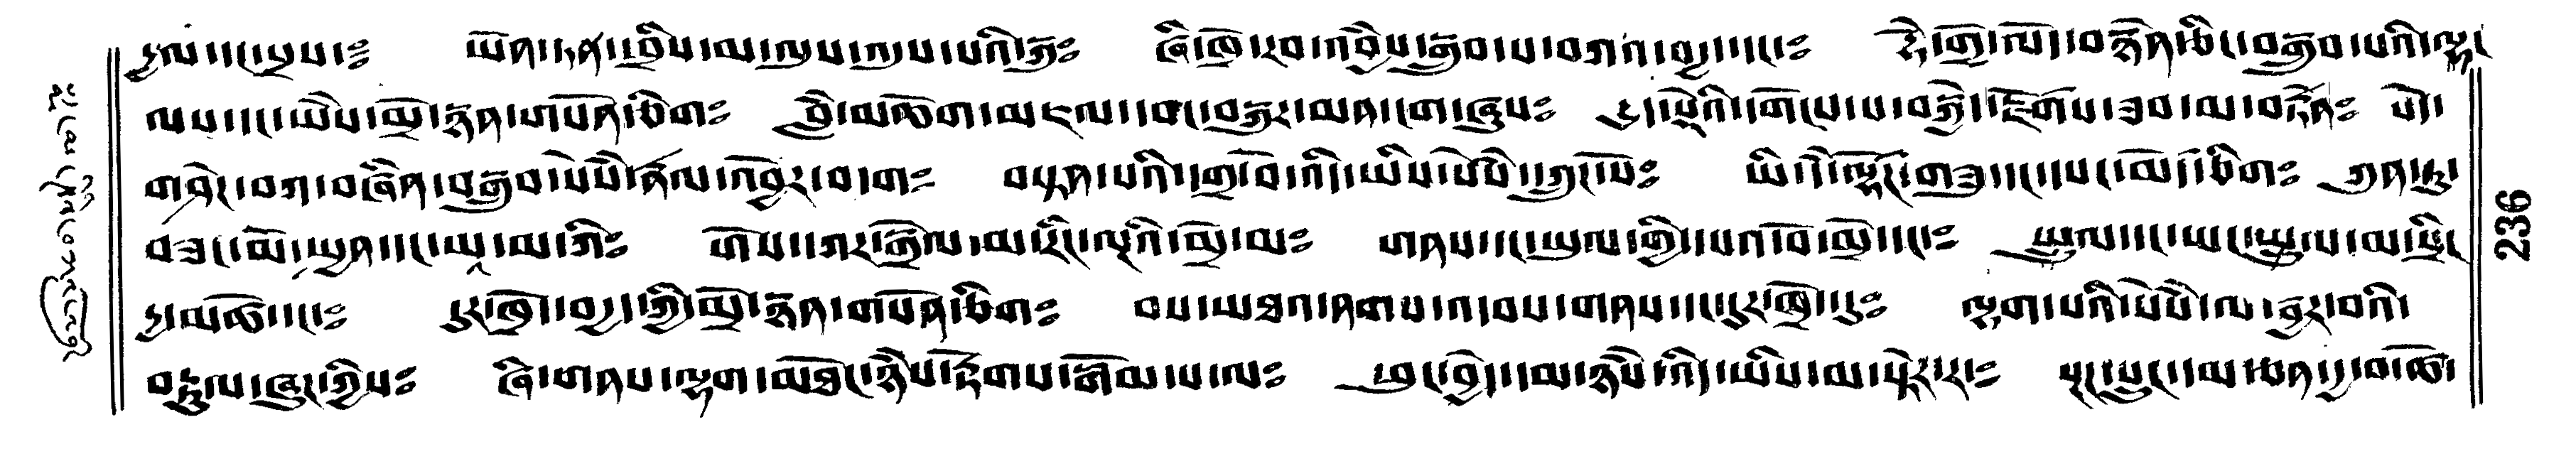རྒྱལ་དང་སྲསཿ ཡོན་ཏན་ཕྲིན་ལས་མ་ལུས་འདུས་པའི་སྐུཿ ཞི་ཁྲོ་རབ་འབྱམས་གྲུབ་པ་བཀའ་བརྒྱད་དངཿ རྡོ་རྗེ་གྲོ་ལོད་བསྙོན་ཅིང་བསྒྲུབས་པའི་ལྷཿ 
ལས་དང་ཡེ་ཤེས་མཁའ་འགྲོ་སྙན་གསོན་ཅིགཿ བླ་མ་མཆོག་མཇལ་དབང་བསྐུར་མན་ངག་ཞུསཿ རྒྱུད་སྡེའི་དགོངས་པ་བསྐྱེད་རྫོགས་ཟབ་མ་བརྟེནཿབདེ་
གཤེགས་བཀའ་བཞིན་བསྒྲུབ་སེམས་རྣལ་འབྱོར་བདགཿ བསྟན་པའི་དགྲ་བོ་འདི་ཡིས་སེམས་དཀྲུགས་སོཿ ཡི་དམ་ལྷ་ཚོགས་གཟུ་དང་དཔང་མཛོད་ཅིགཿ ཀུན་ཏུ་
བཟང་མོ་སྤྱན་དང་མཱ་མ་ཀིཿ གོས་དཀར་སྒྲོལ་མ་རིགས་ལྔའི་མཁའ་འགྲོ་མཿ གནས་དང་ཡུལ་གྱི་དཔའ་བོ་མཁའ་འགྲཽ་དངཿ སྤྲུལ་དང་ཡང་སྤྲུལ་མ་སྲིང་
རྒྱ་མཚོ་དངཿ དུར་ཁྲོད་བརྒྱད་ཀྱི་མཁའ་འགྲཽ་སྙན་གསོན་ཅིགཿ སྦས་མཐའ་ནགས་འདབས་གནས་དང་དུར་ཁྲོད་དུཿ ལྷག་པའི་སེམས་ལ་སྦྱར་བའི་
བརྟུལ་ཞུགས་ཀྱིསཿ ཞི་གནས་ལྷག་མཐོང་ཉམས་རྟོགས་སྒོམ་པ་ལཿ ཕུང་བྱེད་དམ་ཉམས་འདི་ཡིས་མ་སྟེར་རོཿ སྔགས་སྲུང་དམ་ཅན་རྒྱ་མཚོ་